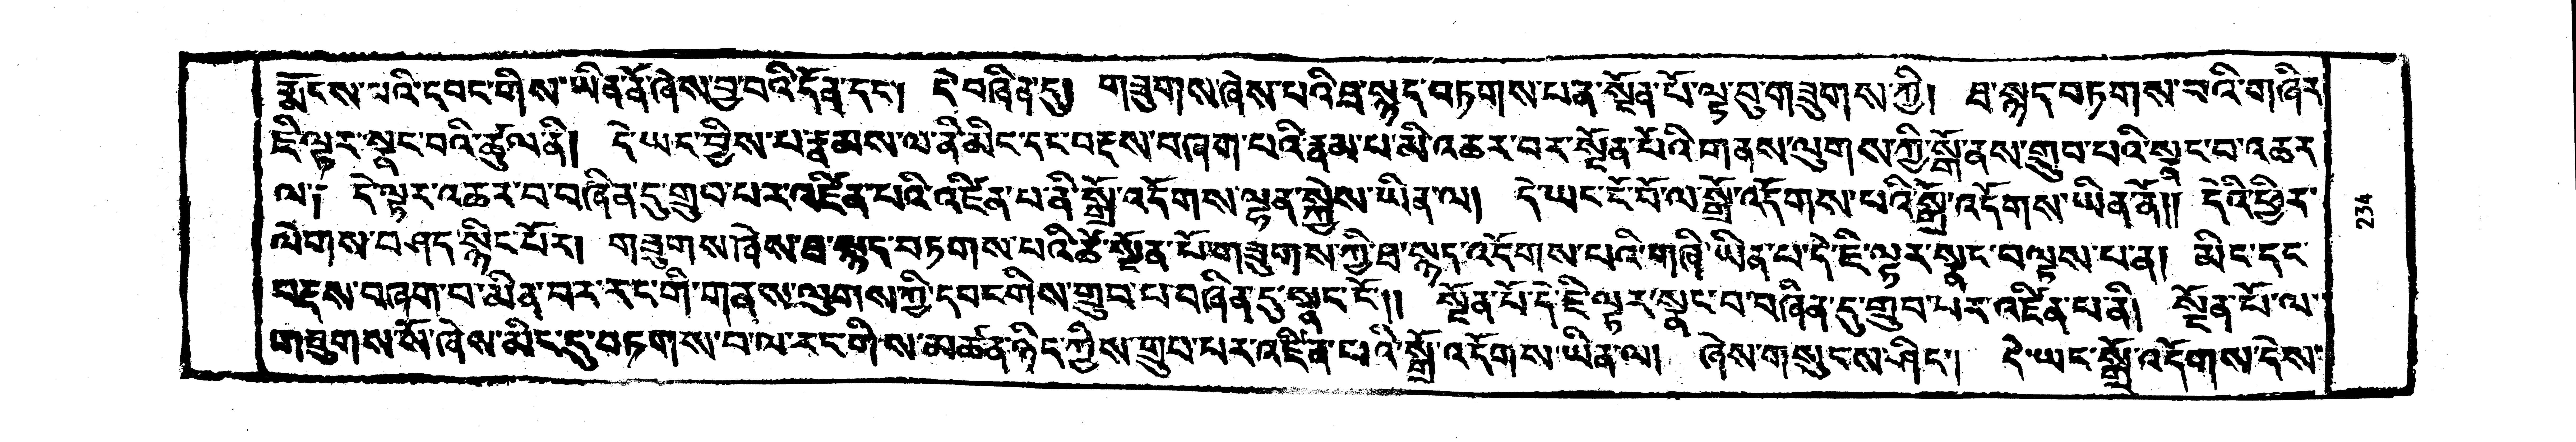རྨོངས་པའི་དབང་གིས་ཡིན་ནོ་ཞེས་བྱ་བའི་དོན་དང་། དེ་བཞིན་དུ། གཟུགས་ཞེས་པའི་ཐ་སྙད་བཏགས་པ་ན་སྔོན་པོ་ལྟ་བུ་གཟུགས་ཀྱི། ཐ་སྙད་བཏགས་པའི་གཞིར་
ཇི་ལྟར་སྣང་བའི་ཚུལ་ནི། དེ་ཡང་བྱིས་པ་རྣམས་ལ་ནི་མིང་དང་བརྡས་བཞག་པའི་རྣམ་པ་མི་འཆར་བར་སྔོན་པོའི་གནས་ལུགས་ཀྱི་སྒོ་ནས་གྲུབ་པའི་སྣང་བ་འཆར་
ལ༑ དེ་ལྟར་འཆར་བ་བཞིན་དུ་གྲུབ་པར་འཛིན་པའི་འཛིན་པ་ནི་སྒྲོ་འདོགས་ལྷན་སྐྱེས་ཡིན་ལ། དེ་ཡང་ངོ་བོ་ལ་སྒྲོ་འདོགས་པའི་སྒྲོ་འདོགས་ཡིན་ནོ།། དེའི་ཕྱིར་
ལེགས་བཤད་སྙིང་པོར། གཟུགས་ཞེས་ཐ་སྙད་བཏགས་པའི་ཚེ་སྔོན་པོ་གཟུགས་ཀྱི་ཐ་སྙད་འདོགས་པའི་གཞི་ཡིན་པ་དེ་ཇི་ལྟར་སྣང་བ་བལྟས་པ་ན། མིང་དང་
བརྡས་བཞག་པ་མིན་བར་རང་གི་གནས་ལུགས་ཀྱི་དབང་གིས་གྲུབ་པ་བཞིན་དུ་སྣང་ངོ།། སྔོན་པོ་དེ་ཇི་ལྟར་སྣང་བ་བཞིན་དུ་གྲུབ་པར་འཛིན་པ་ནི། སྔོན་པོ་ལ་
གཟུགས་སོ་ཞེས་མིང་དུ་བཏགས་པ་ལ་རང་གིས་མཚན་ཉིད་ཀྱིས་གྲུབ་པར་འཛིན་པའི་སྒྲོ་འདོགས་ཡིན་ལ། ཞེས་གསུངས་ཤིང་། དེ་ཡང་སྒྲོ་འདོགས་དེས་